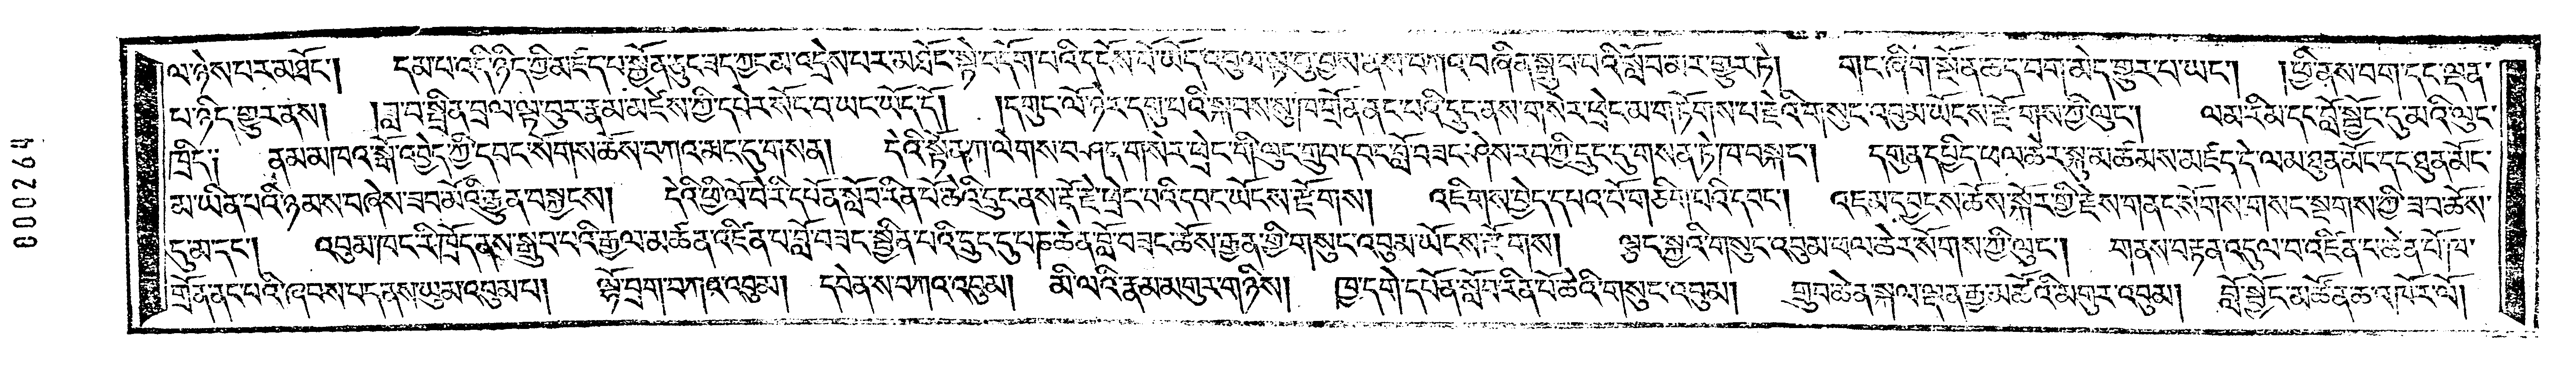ལ་ཉེས་པར་མཐོང་། དམ་པ་འདི་ཉིད་ཀྱི་མཛད་པ་སྐྱོན་ཅུང་ཟད་ཀྱང་མ་འདྲེས་པར་མཐོང་སྟེ་བདོག་པའི་དངོས་པོ་ཡོད་འབུལ་ལྟ་བུ་བྱས་ནས་བཀའ་བཞིན་སྒྲུབ་པའི་སློབ་མར་གྱུར་ཏེ། གང་ཞིག་སྔོན་ཆད་བག་མེད་གྱུར་པ་ཡང་། །ཕྱི་ནས་བག་དང་ལྡན་
པ་ཉིད་གྱུར་ནས། །ཟླ་བ་སྤྲིན་བྲལ་ལྟ་བུར་རྣམ་མཛེས་ཀྱི་དཔེར་སོང་བ་ཡང་ཡོད་དོ། །དགུང་ལོ་ཉེར་དགུ་པའི་སྐབས་སུ་ཁ་གྲོན་ནང་པའི་དྲུང་ནས་གསེར་ཕྲེང་མ་གཏོགས་པ་རྗེའི་གསུང་འབུམ་ཡོངས་རྫོགས་ཀྱི་ལུང་། ལམ་རིམ་དང་བློ་སྦྱོང་དུ་མའི་ལུང་
ཁྲིད༑ ནམ་མཁའ་སྒོ་འབྱེད་ཀྱི་དབང་སོགས་ཆོས་བཀའ་མང་དུ་གསན། དེའི་སྟོན་ཀ་ལེགས་བཤད་གསེར་ཕྲེང་གི་ལུང་གྲུབ་དབང་བློ་བཟང་ཤེས་རབ་ཀྱི་དྲུང་དུ་གསན་ཏེ་ཁ་བསྐང་། དགུན་དཔྱིད་ཕལ་ཆེར་སྐུ་མཚམས་མཛད་དེ་ལ་མཐུན་མོང་དང་ཐུན་མོང་
མ་ཡིན་པའི་ཉམས་བཞེས་ཟབ་མོའི་རྒྱུན་བསྐྱངས། དེའི་ཕྱི་ལོ་བེ་རི་དཔོན་སློབ་རིན་པོ་ཆེའི་དྲུང་ནས་རྡོ་རྗེ་ཕྲེང་བའི་དབང་ཡོངས་རྫོགས། འཇིགས་བྱེད་དཔའ་བོ་གཅིག་པའི་དབང་། འཇམ་དབྱངས་ཆོས་སྐོར་གྱི་རྗེས་གནང་སོགས་གསང་སྔགས་ཀྱི་ཟབ་ཆོས་
དུ་མ་དང་། འབུམ་ཁང་རི་ཁྲོད་ནས་སྒྲུབ་པའི་རྒྱལ་མཚན་འཛིན་པ་བློ་བཟང་སྦྱིན་བའི་དྲུང་དུ་པཎ་ཆེན་བློ་བཟང་ཆོས་རྒྱན་གྱི་གསུང་འབུམ་ཡོངས་རྫོགས། ལྕང་སྐྱའི་གསུང་འབུམ་ཕལ་ཆེར་སོགས་ཀྱི་ལུང་། གནས་བརྟན་འདུལ་བ་འཛིན་པ་ཆེན་པོ་ཁ་
གྲོན་ནང་པའི་ཞབས་པད་ནས་ཡུམ་འབུམ་པ། ལྷོ་བྲག་བཀའ་འབུམ། དབེན་ས་བཀའ་འབུམ། མི་ལའི་རྣམ་མགུར་གཉིས། ཁྱ་དགེ་དཔོན་སློབ་རིན་པོ་ཆེའི་གསུང་འབུམ། གྲུབ་ཆེན་སྐལ་ལྡན་རྒྱ་མཚོའི་མགུར་འབུམ། བློ་སྦྱོང་མཚོན་ཆ་འཁོར་ལོ།